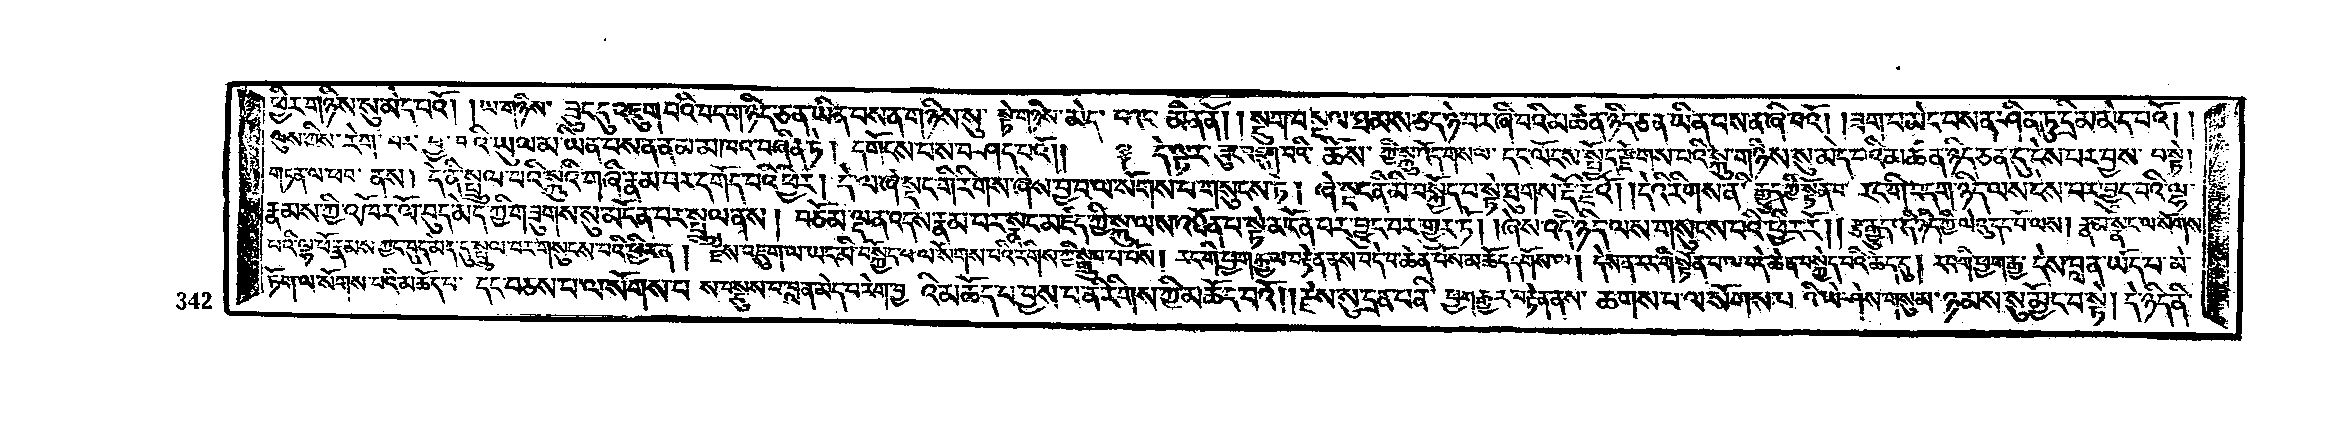ཕྱིར་གཉིས་སུ་མེད་པའོ། ། ཡ་གཉིས་བྱུང་དུ་འཇུག་པའི་བདག་ཉིད་ཅན་ཡིན་པས་ན་གཉིས་སུ་སྟེ་གཉིས་མེད་པའང་མིན་ནོ། །སྡུག་བསྔལ་ཐམས་ཅད་ཉེ་བར་ཞི་བའི་མཚན་ཉིད་ཅན་ཡིན་པས་ན་ཞི་བའོ། །ཟག་པ་མེད་པས་ན་ཤིན་ཏུ་དྲི་མ་མེད་པའོ། །
ལུས་ཀྱིས་རེག་པར་བྱ་བའི་ཡུལ་མ་ཡིན་པས་ན་ནམ་མཁའ་བཞིན་ཏེ། དགོངས་པས་བཤད་པའོ།། ༈ དེ་ལྟར་ཟུང་འཇུག་པའི་ཆོས་ཀྱི་སྐུ་འོད་གསལ་དང་ལོངས་སྤྱོད་རྫོགས་པའི་སྐུ་གཉིས་སུ་མེད་པའི་མཚན་ཉིད་ཅན་དུ་ངེས་པར་བྱས་པ་སྟེ།
གཏན་ལ་ཕབ་ནས། དེ་ནི་སྤྲུལ་པའི་སྐུའི་གཞི་རྣམ་པར་དགོད་པའི་ཕྱིར། དེ་ལ་ཞེ་སྡང་གི་རིགས་ཞེས་བྱ་བ་ལ་སོགས་པ་གསུངས་ཏེ། ཞེ་སྡང་ནི་མི་བསྐྱོད་པ་སྟེ་ཐུགས་རྡོ་རྗེའོ། །དེའི་རིགས་ནི་རྒྱུད་ཀྱི་སྟོན་པ་རང་གི་བདག་ཉིད་ལས་ངེས་པར་བྱུང་བའི་ལྷ་
རྣམས་ཀྱི་འཁོར་ལོ་བུད་མེད་ཀྱི་གཟུགས་སུ་མངོན་པར་སྤྲུལ་ནས། བཅོམ་ལྡན་འདས་རྣམ་པར་སྣང་མཛད་ཀྱི་སྐུ་ལས་འཐོན་པ་སྟེ་མངོན་པར་བྱུང་བར་གྱུར་ཏོ། །ཞེས་འདི་ཉིད་ལས་གསུངས་པའི་ཕྱིར་རོ། །རྩ་རྒྱུད་འདི་ཉིད་ཀྱི་ལེའུ་དང་པོ་ལས། རྣམ་སྣང་ལ་སོགས་
པའི་ལྷ་ཕོ་རྣམས་ཀྱང་བུད་མེད་དུ་སྤྲུལ་བར་གསུངས་པའི་ཕྱིར་ན། རྗེས་འཇུག་ལ་ཡང་མི་བསྐྱོད་པ་ལ་སོགས་པའི་རིགས་ཀྱི་སྒྲུབ་པ་པོས། རང་གི་ཕྱག་རྒྱ་ལ་བརྟེན་ནས་བདེ་བ་ཆེན་པོས་མཆོད་དགོས་ལ། དེས་ན་རང་གི་སྟོན་པ་ལ་བདེ་ཆེན་བསྐྱེད་པའི་ཆེད་དུ། རང་གི་ཕྱག་རྒྱ་དེས་བླ་ན་ཡོད་པ་མེ་
ཏོག་ལ་སོགས་པའི་མཆོད་པ་དང་བཅས་པ་ལ་སོགས་པས་བསྡུས་པ་བླ་ན་མེད་པ་རེག་བྱའི་མཆོད་པ་བྱས་པ་ནི་རིགས་ཀྱི་མཆོད་པའོ། །རྗེས་སུ་དྲན་པ་ནི་ཕྱག་རྒྱ་ལ་བརྟེན་ནས་ཆགས་པ་ལ་སོགས་པའི་ཡེ་ཤེས་གསུམ་ཉམས་སུ་མྱོང་བ་སྟེ། དེ་ཉིད་ནི་